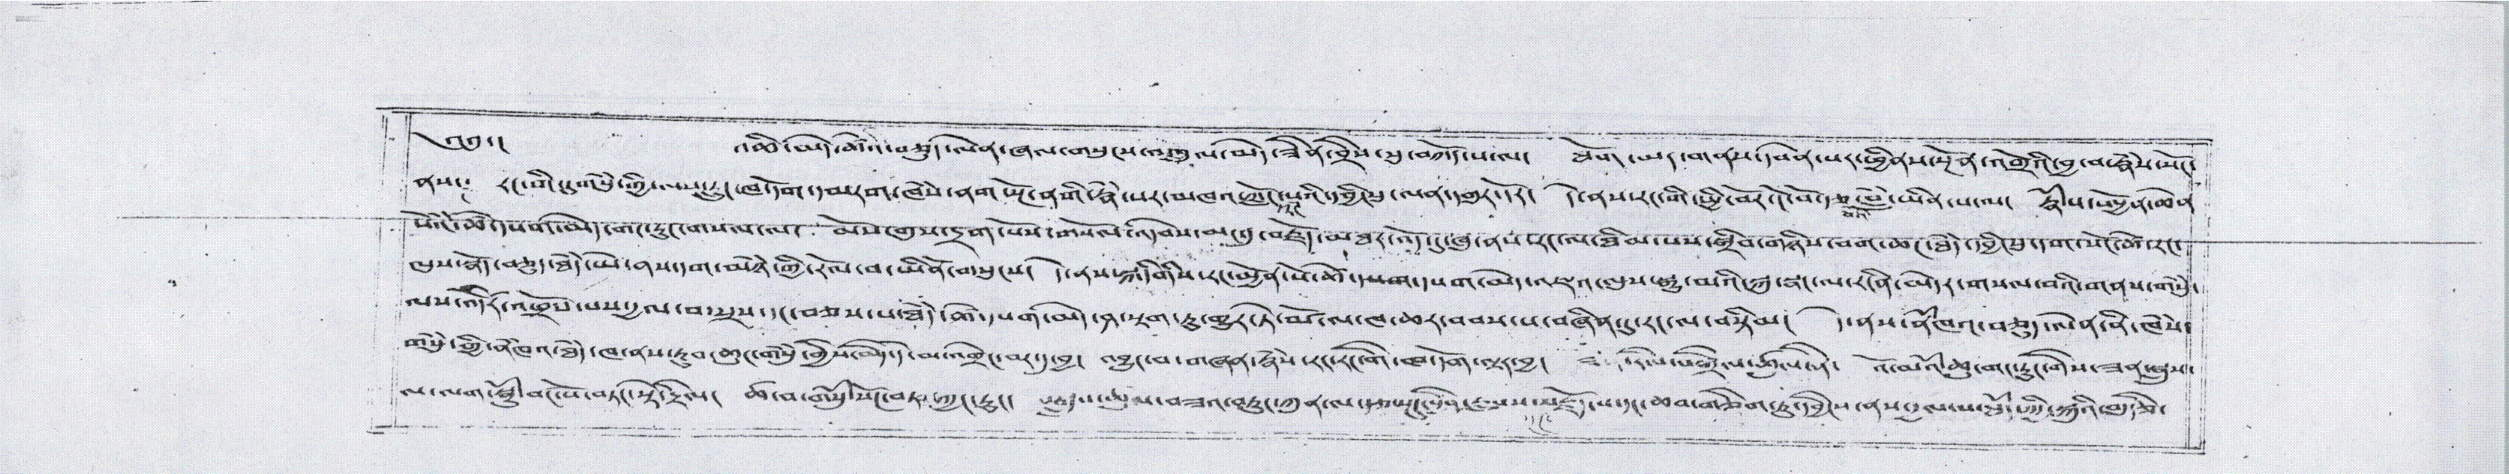༄༅།། །འཆི་མེད་ཚེའི་བཅུད་ལེན་ཞལ་གསུངས་འཁྲུལ་མེད་ཟིན་བྲིས་སུ་བཀོད་པ་ལ། ཐོག་མར་གནས་དབེན་པར་ཕྱིན་ནས་སྔོན་འགྲོའི་བྱ་བ་རྣམས་ཡོང་
ནས། རང་གི་དུག་གསུམ་གྱིས་ལས་རླུང་ཁ་དོག་དམར་ནག་ཁམས་ནག་སྔོ་ནག་གི་རྣམ་པར་མཁའ་ཀློང་ལྟམ་པའི་དབྱིངས་སུ་ལན་དགུར་དོར། དེ་ནས་རང་གི་སྤྱི་བོར་ངོ་བོ་རྩ་བའི་བླ་མ་ཡིན་པ་ལ། རྣམ་པ་ཨོ་རྒྱན་ཆེན་
པོའི་ཚེ་དཔག་མེད་གང་རུང་གསལ་ལ། མོས་གུས་དྲག་པོས་གསོལ་འདེབས་མང་དུ་བརྗོད་མཐར་འོད་དུ་ཞུ་ནས་རང་ལ་ཐིམ་པས་སྒྲིབ་གཉིས་བག་ཆགས་ཐམས་ཅད་དབྱིངས་སུ་དག་སོང་ཚེ་རང་
ལུས་སྣོད་བཅུད་ཐམས་ཅད་ཡེ་ནས་དག་མཉམ་གྱི་རོལ་བ་ཡིན་ནོ་གསུངས། དེ་ནས་སྐད་ཅིག་གིས་རང་མྱོན་སོ་ཚེ་དཔག་མེད་འཇའ་ལུས་སྒྱུ་མའི་སྐུ་སྣང་ལ་རང་བཞིན་མེད་པར་གསལ་བའི་གནས་གསུམ་
ལས་འོད་ཟེར་འཕྲོས་པས་རྒྱལ་བ་སྲས་དང་བཅས་པ་ཐམས་ཅད་ཚེ་དཔག་མེད་ཤ་སྟག་ཏུ་གྱུར་ཏེ་མཚོ་ལ་ཁ་ཆར་བབས་པ་བཞིན་དུ་རང་ལ་བསྟིམ། དེ་ནས་ནམ་མཁའ་བཅུད་ལེན་ནི་ཁམས་
གསུམ་གྱི་ནམ་མཁའ་ཐམས་ཅད་ཁ་ནས་རྔུབ་ཆུང་གསུམ་གྱིས་མིད་དེ་མ་འགྲེང་བར་དུ་བྱ། འབྱུང་བ་གཞན་རྣམས་རང་རང་གི་ཁ་དོག་ལྟར་བྱ། ཟིན་རིལ་བསྒྲིལ་ཚུལ་ནི། འོ་མའམ་ཆུ་གང་རུང་གིས་ཟན་འབྲུས་
ལ་ལག་སྣུམ་བཟང་པོ་བཏང་སྟེ་དྲིལ། ཚ་བ་གསུམ་སོགས་བཏབ་ཀྱང་རུང། བསྒྲུབ་ཆུས་བཟའ་བཏུང་ཀུན་ལ་རྩ་སྔགས་བྱིན་རླབས་སྔགས་བརྗོད་པ་དང་ཆབ་གཅིག་ཏུ་དབྱིངས་ནས་རྒྱལ་བ་ཐམས་ཅད་ཀྱི་སྐུའི་ཁ་རྩི་